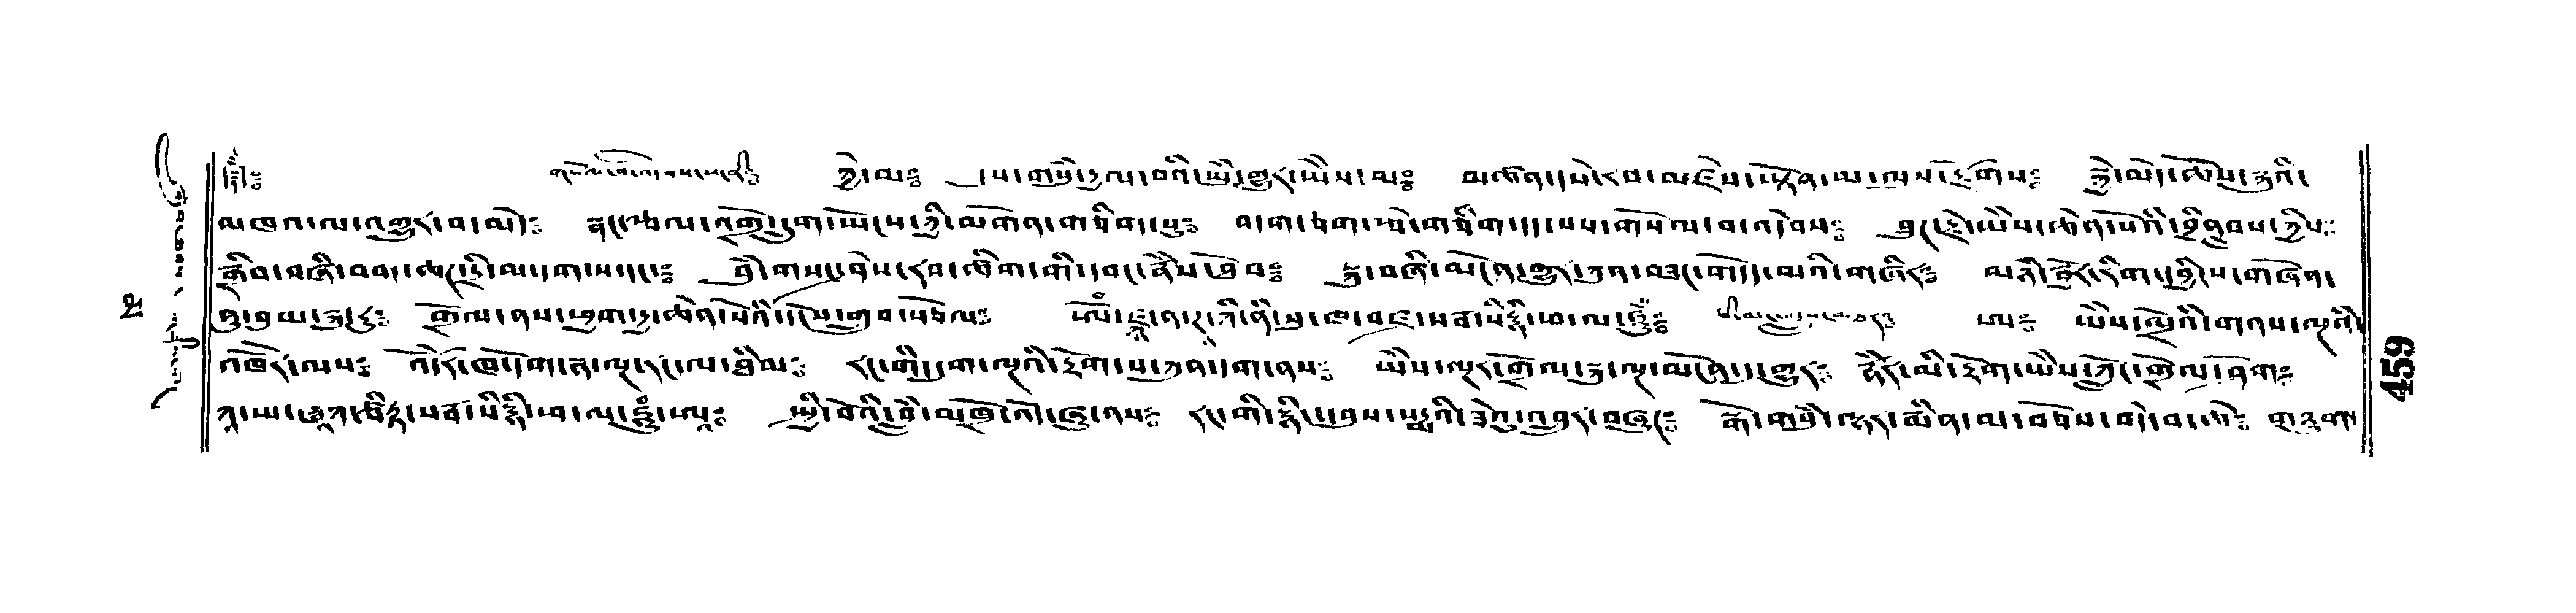གསོལ་བ་འདེབས་པ་ནི༔ ཀྱེ་མ༔ དུས་གསུམ་རྒྱལ་བའི་ཡུམ་གྱུར་ཡེ་ཤེས་མ༔ མཚན་དཔེ་རབ་མཛེས་ཡོན་ཏན་མ་ལུས་རྫོགས༔ སྐྱེ་མེད་ཆོས་སྐུའི་
མཁའ་ལ་འགྱུར་བ་མེད༔ སྣང་རྩལ་འགྲོ་དྲུག་ཡོངས་ཀྱི་མགོན་གཅིག་པུ༔ བདག་ཅག་རྩེ་གཅིག་དད་པས་གསོལ་བ་འདེབས༔ ཐུགས་རྗེ་ཡེ་ཤེས་ཆེན་པོའི་བྱིན་རླབས་ཀྱིས༔ 
སྒྲིབ་བཞི་བག་ཆགས་དྲི་མ་དག་པ་དང༔ བུམ་གསང་ཤེས་རབ་ཚིག་གི་དབང་རྣམས་ཐོབ༔ སྐུ་བཞི་མངོན་གྱུར་ཀུན་བཟང་གདོད་མའི་གཞིར༔ མཉམ་སྦྱོར་རིག་དབྱིངས་གཞོན་
ནུ་བུམ་སྐུ་རུ༔ གྲོལ་ནས་ཕྱག་རྒྱ་ཆེན་པོའི་དངོས་གྲུབ་སྩོལ༔ ཨོཾ་ཛྙཱ་ན་ཌཱ་ཀི་ནི་སུ་ཁ་བཛྲ་སརྦ་སིདྡྷི་ཕ་ལ་ཧཱུྃ༔ ཅི་མང་བཟླས་མཐར༔ ཨཱཿ ཡེ་ཤེས་མཁའ་འགྲོའི་གནས་ལྔའི་
འཁོར་ལོ་ལས༔ འོད་ཟེར་ཁ་དོག་སྣ་ལྔ་རང་ལ་ཐིམ༔ རང་གི་དུག་ལྔའི་རྟོག་པ་ཀུན་དག་ནས༔ ཡེ་ཤེས་ལྔར་གྲོལ་སྐུ་ལྔ་མངོན་དུ་གྱུར༔ རྣམ་པར་མི་རྟོག་ཡེ་ཤེས་ཀློང་གྲོལ་ཤོག༔ 
ཀཱ་ཡ་ཝཱཀྐ་ཙིཏྟ་སརྦ་སིདྡྷི་ཕ་ལ་ཧཱུྃ་ཨཱཿ སྤྱི་བོའི་བླ་མ་མཁའ་འགྲོ་འོད་ཞུ་ནས༔ རང་གི་སྙིང་དབུས་པདྨའི་ཟེའུ་འབྲུར་བཞུགས༔ སྒོ་གསུམ་ལྷར་སྨིན་མ་བཅོས་བདེ་བ་ཆེ༔ གཉུག་